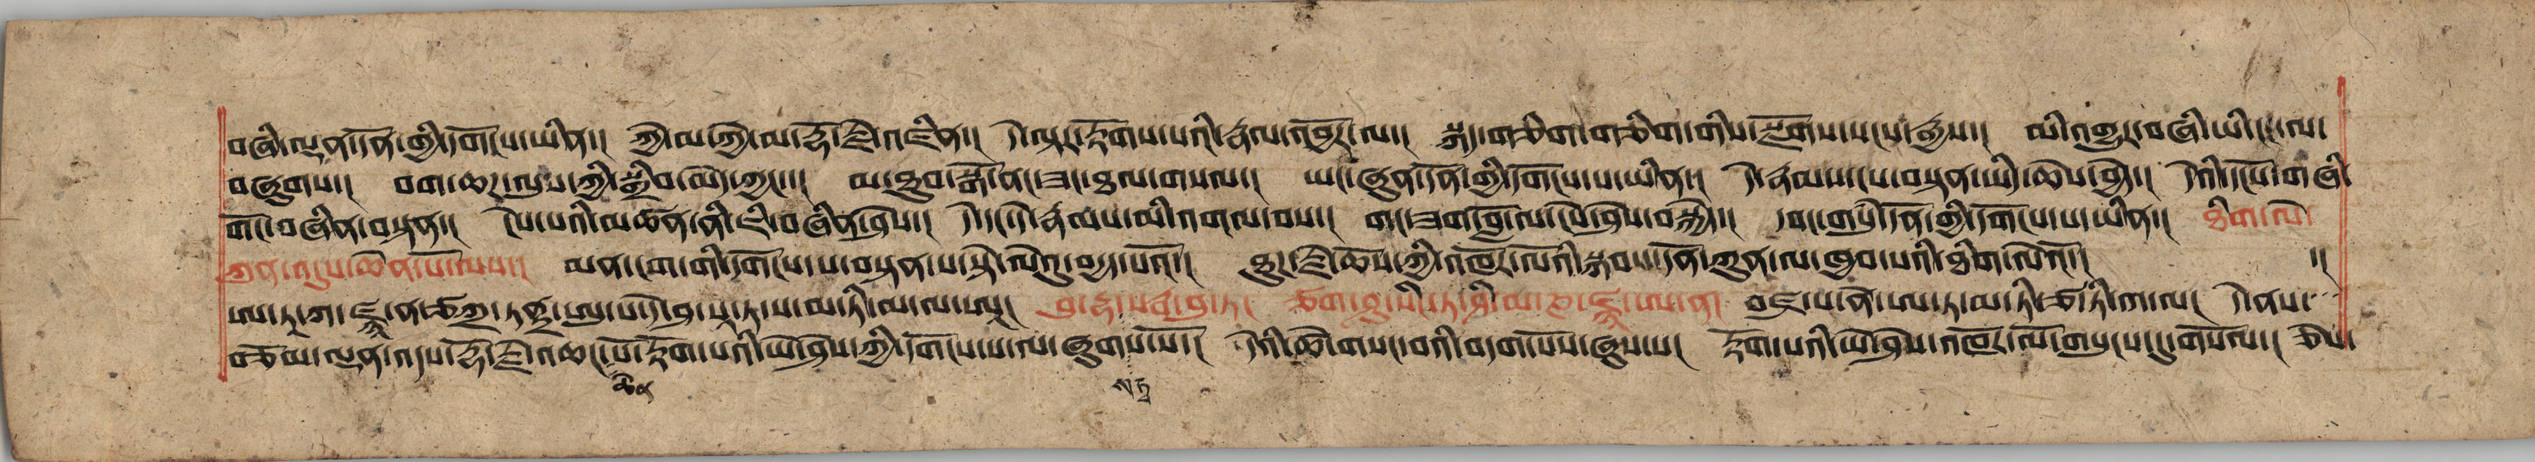བཞི་ལྡན་དོན་གྱི་དགོངས་ཡིན་། ཀྱེ་མ་ཀྱེ་མ་རྡོ་རྗེ་འཛིན་། དེ་ལྟར་རྟོགས་པའི་རྣལ་འབྱོར་ལ་། སྐད་གཅིག་གཅིག་གིས་སྫོགས་སངས་རྒྱས་། མི་འགྱུར་བཞི་ཡི་ངང་ལ་
བཞུགས་། བག་ཆཌ་ལུས་ཀྱི་སྒྲིབ་མེད་ཀྱང་་། མ་ཐུབ་སྒོ་ནང་ཟང་ཐལ་གསལ་། ཡང་ཞུན་དོན་གྱི་དགོངས་པ་ཡིན་། དེ་རྣམས་ངས་བསྟན་ཡིད་ཆེས་བྱེད་། དེའི་དངོས་གཞི་
གོང་བཞིན་བསྟན་། ངེས་པའི་མཚན་ནི་ཇི་བཞིན་ཤེས་། དེ་དང་དེ་རྣམས་མི་འགལ་བས་། གང་ཟག་བློ་ལ་ངེས་ཤེས་བསྐྱེད་། དབང་གསུཾ་དོན་གྱི་དགོངས་པ་ཡིན་། ཐིག་ལེ་
ཀུན་འདུས་ཆེན་པོ་ལས་། མན་ངག་གི་དགོངས་པ་བསྟན་པ་སྟེ་ལེའུ་བདྱད་པའོ་། ཐུཌ་རྗེ་ཆོས་ཀྱི་འཁོར་ལོའི་སྐབས་དོན་ཀུན་ལ་ཁྱབ་པའི་ཐིག་ལེའོ་། ་།
ཨ་ཏཱཀ་ཛྙ་ན་ཙཀྲ་ཏནྟྲ་ཨུ་པ་དེ་ཤ་ཨུ་པཱ་ཏ་ས་མ་ཏི་མ་ལ་ཨཱ། བུ་དྷ་སརྦ་བུ་ཏ། ཙག་ཤུ་སིང་ཏ་ཤི་མ་ཎ་ཛྙཱ་ཨ་ན། བཛྲ་པ་ནེ་ཨ་ཏ་མ་ཏི་ཙ་ཏི་ཀ་ལ། དེ་ནས་
བཅོམ་ལྡན་འདས་རྡོ་རྗེ་འཆང་པོ་རྟོག་པའི་ཡེ་ཤེས་ཀྱི་དགོངས་པ་ལ་ཞུགས་སོ་། དེའི་ཚེ་གསང་བའི་བདག་པོས་ཞུས་པ། རྟོག་པའི་ཡེ་ཤེས་འཁོར་ལོ་གསུངས་དུ་གསོལ་། ཅེས